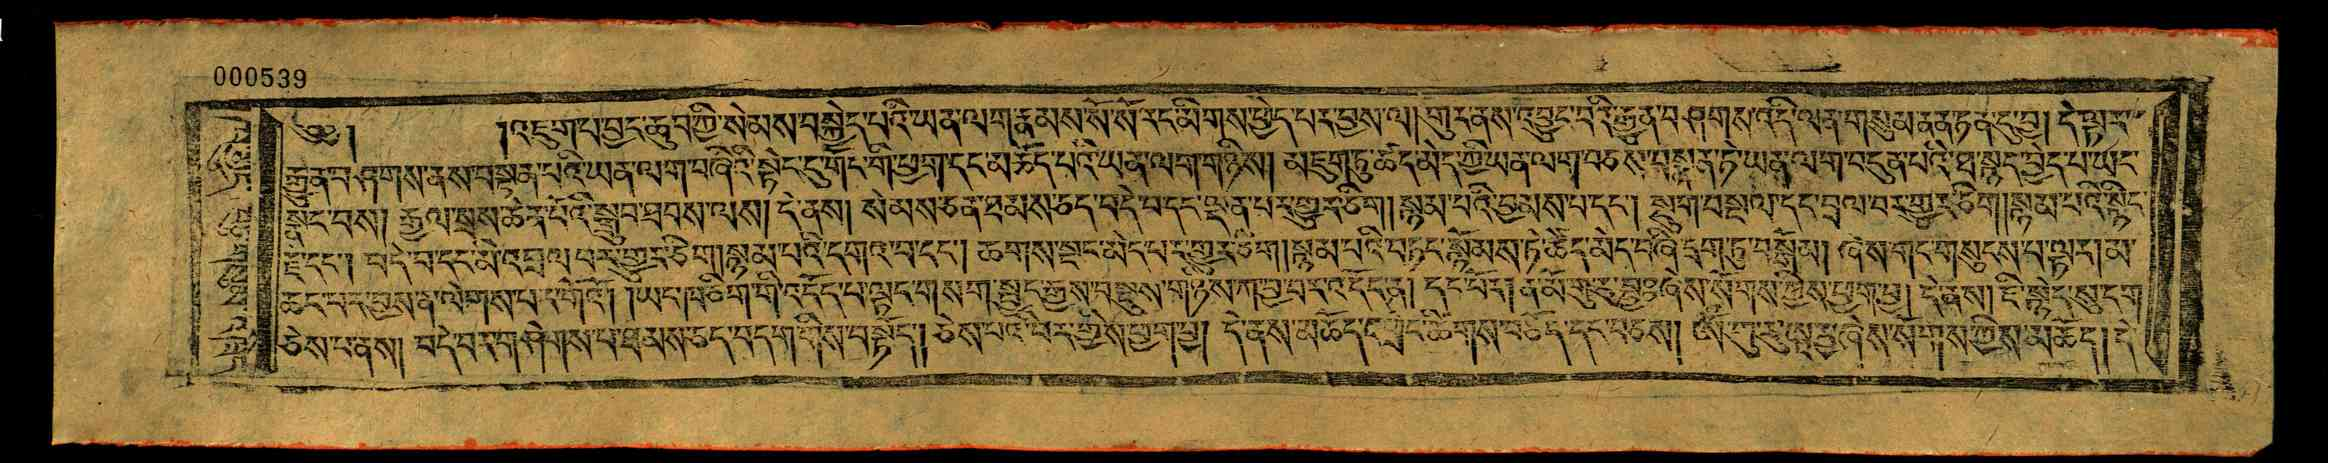༄༅། །འཇུག་པ་བྱང་ཆུབ་ཀྱི་སེམས་བསྐྱེད་པའི་ཡན་ལག་རྣམས་སོ་སོར་དམིགས་ཕྱེད་པར་བྱས་ལ། གུར་ནས་འབྱུང་བའི་རྒྱུན་བཤགས་འདི་ལན་གསུམ་ནན་ཏན་དུ་བྱ། དེ་ལྟར་
རྒྱུན་བཤགས་ནས་བསྟན་པའི་ཡན་ལག་བཞིའི་སྟེང་དུ་གོང་གི་ཕྱག་དང་མཆོད་པའི་ཡན་ལག་གཉིས། མཇུག་ཏུ་ཚད་མེད་ཀྱི་ཡན་ལག་བཅས་བསྣན་ཏེ་ཡན་ལག་བདུན་པའི་ཐ་སྙད་བྱེད་པ་ཡང་
སྣང་བས། རྒྱལ་སྲས་ཆེན་པོའི་སྒྲུབ་ཐབས་ལས། དེ་ནས། སེམས་ཅན་ཐམས་ཅད་བདེ་བ་དང་ལྡན་པར་གྱུར་ཅིག །སྙམ་པའི་བྱམས་པ་དང་། སྡུག་བསྔལ་དང་བྲལ་བར་གྱུར་ཅིག །སྙམ་པའི་སྙིང་
རྗེ་དང་། བདེ་བ་དང་མི་འབྲལ་བར་གྱུར་ཅིག །སྙམ་པའི་དགའ་བ་དང་། ཆགས་སྡང་མེད་པར་གྱུར་ཅིག །སྙམ་པའི་བཏང་སྙོམས་ཏེ་ཚད་མེད་བཞི་དྲག་ཏུ་བསྒོམ། ཞེས་གང་གསུངས་པ་ལྟར། མ་
ཆད་པར་བྱས་ན་ལེགས་པར་གོའོ། །ཡང་ཁ་ཅིག་གི་འདོད་པ་ལྟར་གསག་སྦྱང་རྒྱས་བསྡུས་གཉིས་ཀ་བྱ་བར་འདོད་ན། དང་པོར། ན་མོ་གུ་རུ་བྷྱཿ ཞེས་སོགས་ཀྱིས་ཕྱག་བྱ། དེ་ནས། ཇི་སྙེད་སུ་དག།
ཅེས་པ་ནས། བདེ་བར་གཤེགས་པ་ཐམས་ཅད་བདག་གིས་བསྟོད། ཅེས་པའི་བར་གྱིས་ཕྱག་བྱ། དེ་ནས་མཆོད་འཕྲེང་ཚིགས་བཅད་དང་བཅས། ཨོཾ་གུ་རུ་ཨཱརྱ་ཞེས་སོགས་ཀྱིས་མཆོད། དེ་